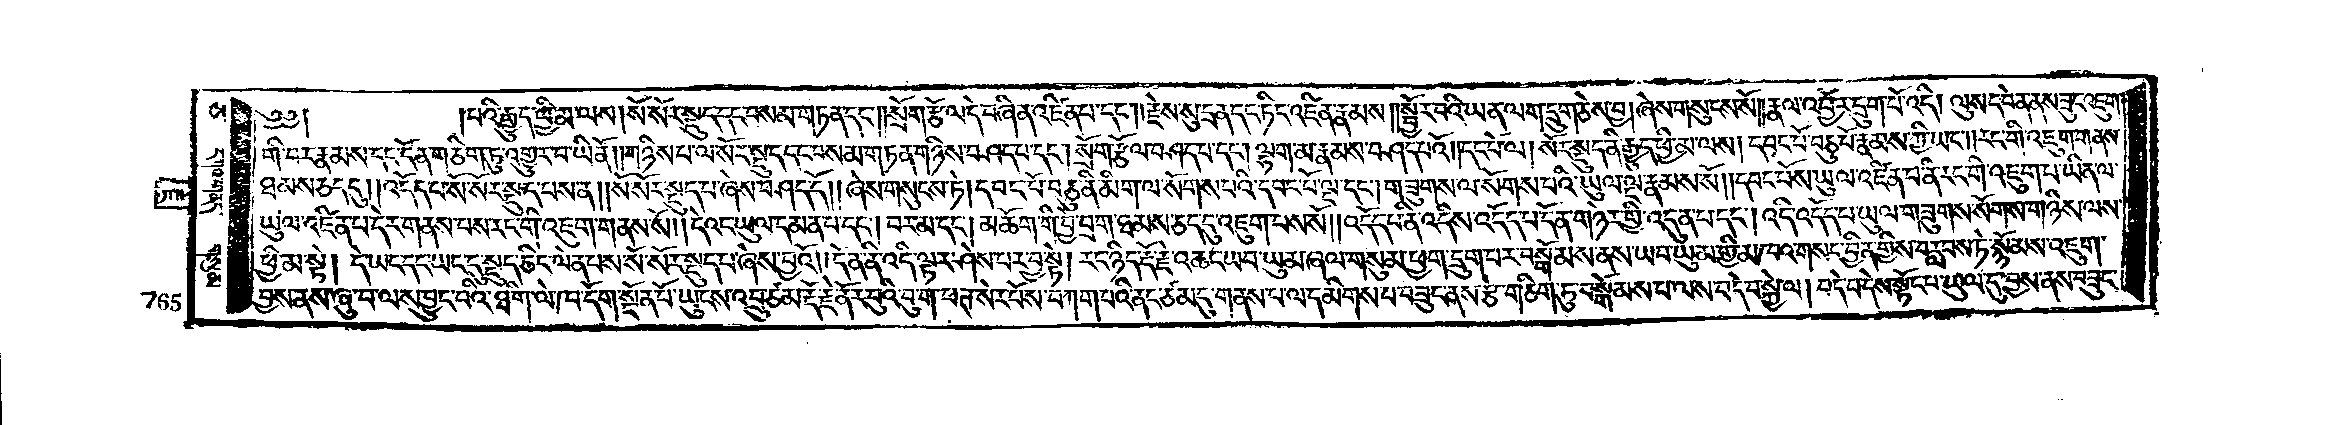༄༅། །པའི་རྒྱུད་ཕྱི་མ་ལས། སོ་སོར་སྡུད་དང་བསམ་གཏན་དང་། །སྲོག་རྩོལ་དེ་བཞིན་འཛིན་པ་དང་། །རྗེས་སུ་དྲན་དང་ཏིང་འཛིན་རྣམས། །སྦྱོར་བའི་ཡན་ལག་དྲུག་ཅེས་བྱ། ཞེས་གསུངས་སོ། །རྣལ་འབྱོར་དྲུག་པོ་འདི། ལུས་དབེན་ནས་ཟུང་འཇུག་
གི་བར་རྣམས་དང་དོན་གཅིག་ཏུ་འགྱུར་བ་ཡིན་ནོ། །གཉིས་པ་ལ་སོར་སྡུད་དང་བསམ་གཏན་གཉིས་བཤད་པ་དང་། སྲོག་རྩོལ་བཤད་པ་དང་། ལྷག་མ་རྣམས་བཤད་པའོ། །དང་པོ་ལ། སོར་སྡུད་ནི་རྒྱུད་ཕྱི་མ་ལས། དབང་པོ་བཅུ་པོ་རྣམས་ཀྱི་ཡང་། །རང་གི་འཇུག་གནས་
ཐམས་ཅད་དུ། །འདོད་པ་སོ་སོར་སྡུད་པས་ན། །སོ་སོར་སྡུད་པ་ཞེས་བཤད་དོ། །ཞེས་གསུངས་ཏེ། དབང་པོ་བཅུ་ནི་མིག་ལ་སོགས་པའི་དབང་པོ་ལྔ་དང་། གཟུགས་ལ་སོགས་པའི་ཡུལ་ལྔ་རྣམས་སོ། །དབང་པོས་ཡུལ་འཛིན་པ་ནི་རང་གི་འཇུག་པ་ཡིན་ལ་
ཡུལ་འཛིན་པ་དེར་གནས་པས་རང་གི་འཇུག་གནས་སོ། །དེའང་ཡུལ་དམན་པ་དང་། བར་མ་དང་། མཆོག་གི་བྱེ་བྲག་ཐམས་ཅད་དུ་འཇུག་པས་སོ། །འདོད་པ་ནི་འདིས་འདོད་པ་དོན་གཉེར་གྱི་འདུན་པ་དང་། འདི་འདོད་པ་ཡུལ་གཟུགས་སོགས་གཉིས་ལས་
ཕྱི་མ་སྟེ། དེ་ཡང་དང་ཡང་དུ་སྡུད་ཅིང་ལེན་པས་སོ་སོར་སྡུད་པ་ཞེས་བྱའོ། །དོན་ནི་འདི་ལྟར་ཤེས་པར་བྱ་སྟེ། རང་ཉིད་རྡོ་རྗེ་འཆང་ཡབ་ཡུམ་ཞལ་གསུམ་ཕྱག་དྲུག་པར་བསྒོམས་ནས་ཡབ་ཡུམ་གྱི་མཁའ་གསང་བྱིན་གྱིས་བརླབས་ཏེ་སྙོམས་འཇུག་
བྱས་ནས་ཞུ་བ་ལས་བྱུང་བའི་ཐིག་ལེ་ཁ་དོག་སྔོན་པོ་ཡུངས་འབྲུ་ཙམ་རྡོ་རྗེ་ནོར་བུའི་བུ་ག་ཕཊ་སེར་པོས་བཀག་པའི་ནང་ཙམ་དུ་གནས་པ་ལ་དམིགས་པ་བཟུང་ནས་རྩེ་གཅིག་ཏུ་བསྒོམས་པ་ལས་བདེ་བ་སྐྱེ་ལ། བདེ་བ་དེས་སྟོང་པ་ཡུལ་དུ་བྱས་ནས་བཟུང་